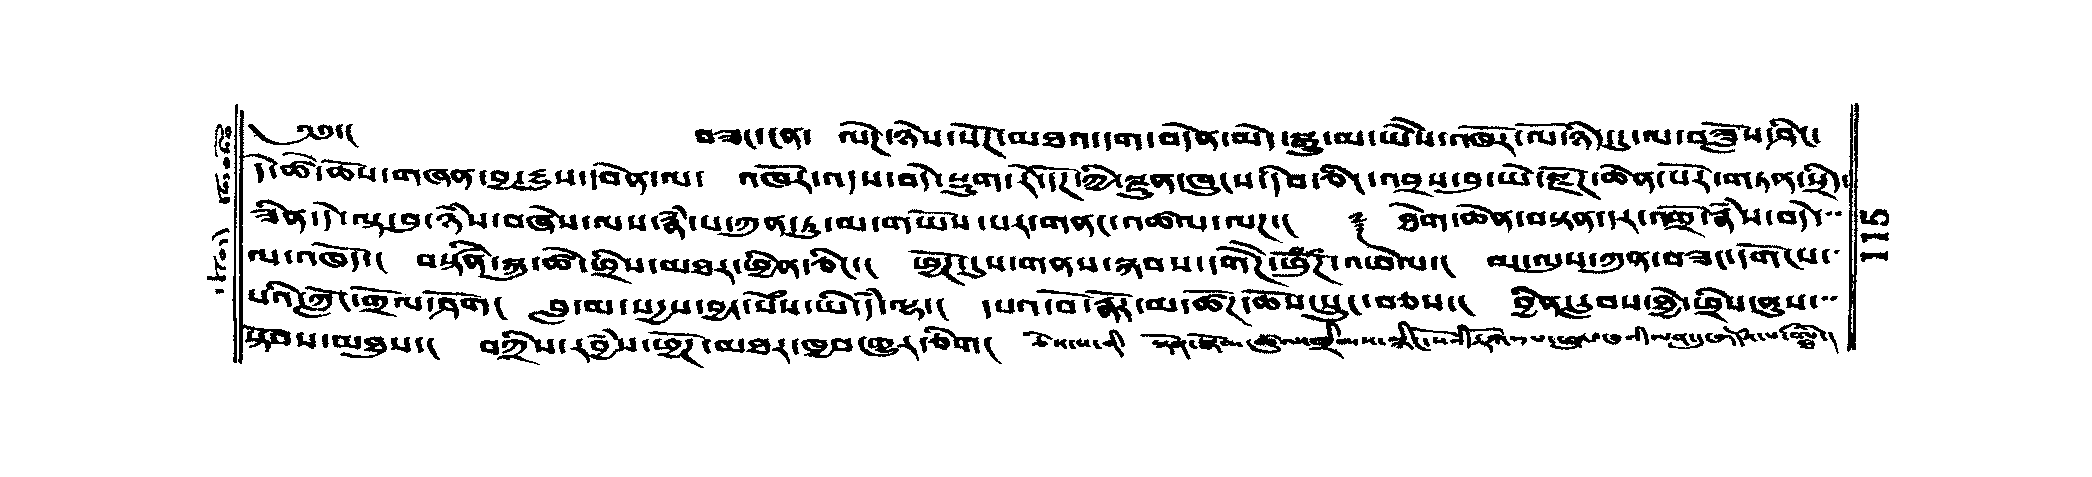བཟང་ངན། ལེགས་ཉེས་སོགས་མཐའ་དག་བདེན་མེད་སྒྱུ་མ་ཡེ་ཤེས་འཁོར་ལོ་ཉིད་དུ་ལ་བཟློས་ཤིང་
དེ་ཚེ་ཆོས་གཞན་བྱ་རྒྱུས་དབེན་ལ། འཁོར་འདས་བདེ་སྡུག་རེ་དོགས་ཀྱི་རྫུན་ཁུངས་རྡིབ་ཅིང་འབྲས་བུ་ཡེ་རྫོགས་ཆེན་པོར་གཏན་སྲིད་
ཟིན། དེ་ལྟ་བུའི་ཉམས་བཞེས་ལས་རྣམ་པ་ཀུན་ཏུ་མ་གཡོས་པར་གནང་འཚལ་ལགས།། ༈ ཐེག་ཆེན་བསྟན་དར་འགྲོ་རྣམས་བདེ་
ལ་འཁོད། །བསྟན་འཛིན་སྐུ་ཚེ་ཕྲིན་ལས་མཐར་ཕྱིན་ཅིང་། །ཕྱོགས་དུས་གནས་སྐབས་དགེ་ལེགས་ཕུན་ཚོགས་འཕེལ། །མ་ལུས་ཀུན་བཟང་དགོངས་
པའི་ཀློང་གྲོལ་ཤོག །བླ་མ་སངས་རྒྱས་བྱང་སེམས་ཡི་དམ་ལྷ། །དཔའ་བོ་རྣལ་འབྱོར་མ་ཚོགས་ཆོས་སྲུང་བཅས། །བྱིན་རླབས་ཐུགས་རྗེ་ཕྲིན་ལས་ནུས་
སྟོབས་མཐུས། །བཀྲ་ཤིས་རབ་འབྱམས་ཕྱོགས་མཐར་ཁྱབ་གྱུར་ཅིག ཅེས་་པ་ནི་སྟོན་སྒོམ་ཚུལ་ཁྲིམས་སྙིང་པོའི་རྟོགས་པ་ཕུལ་བའི་ལན་དུ་གདམས་པ་།།